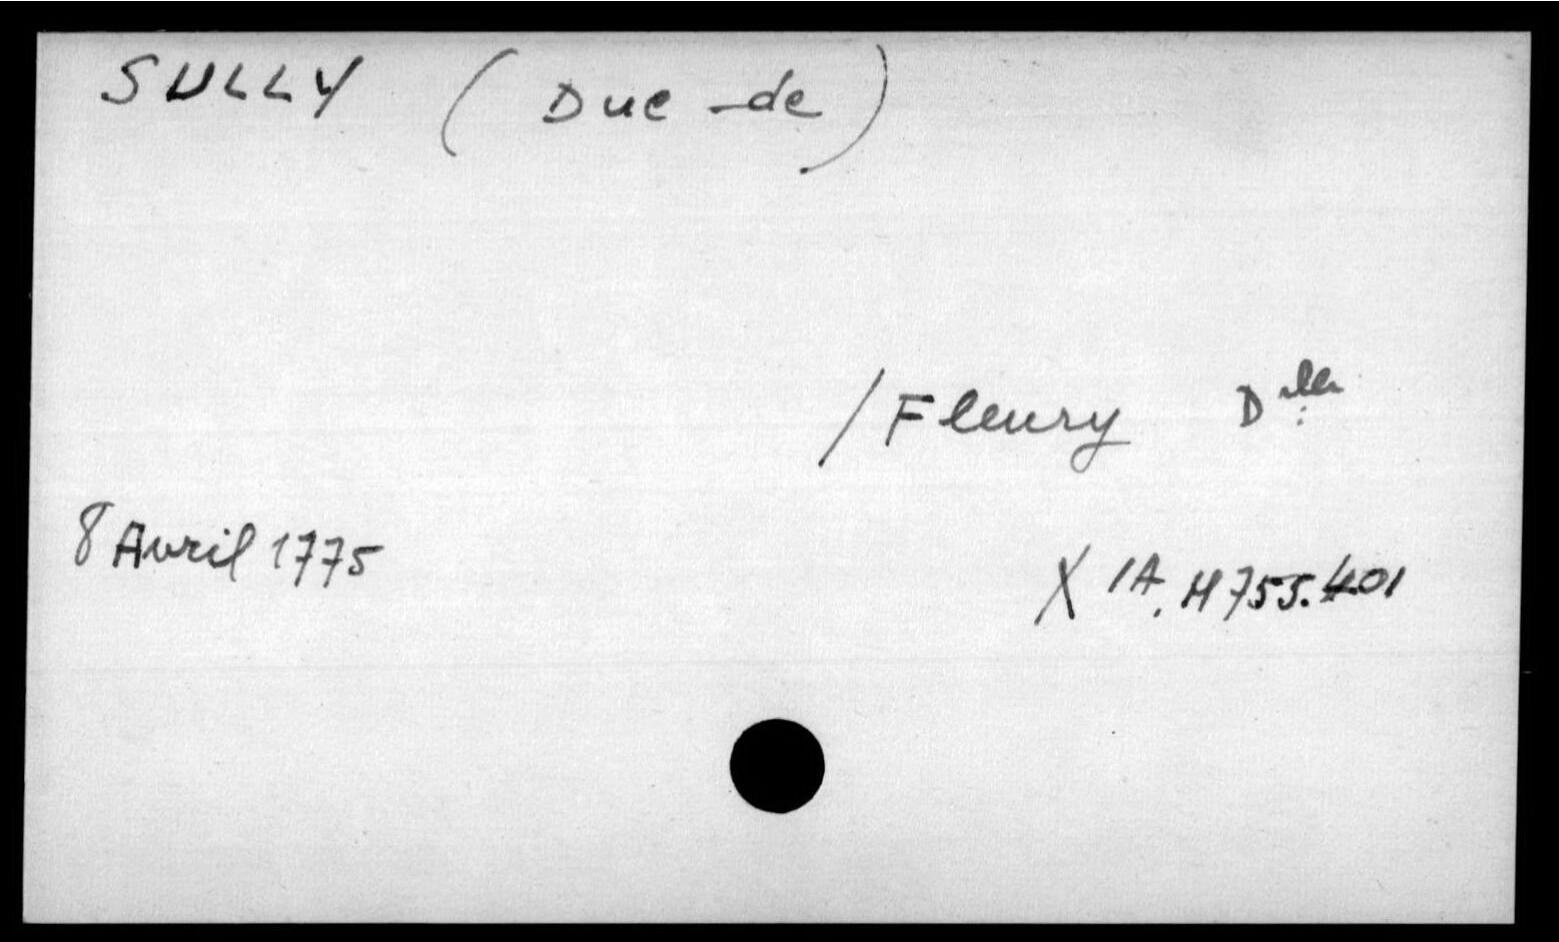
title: SULLY (Duc de)
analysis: Contre Fleury Damoiselle
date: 8 avril 1775
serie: X1A
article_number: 4755
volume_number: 401
